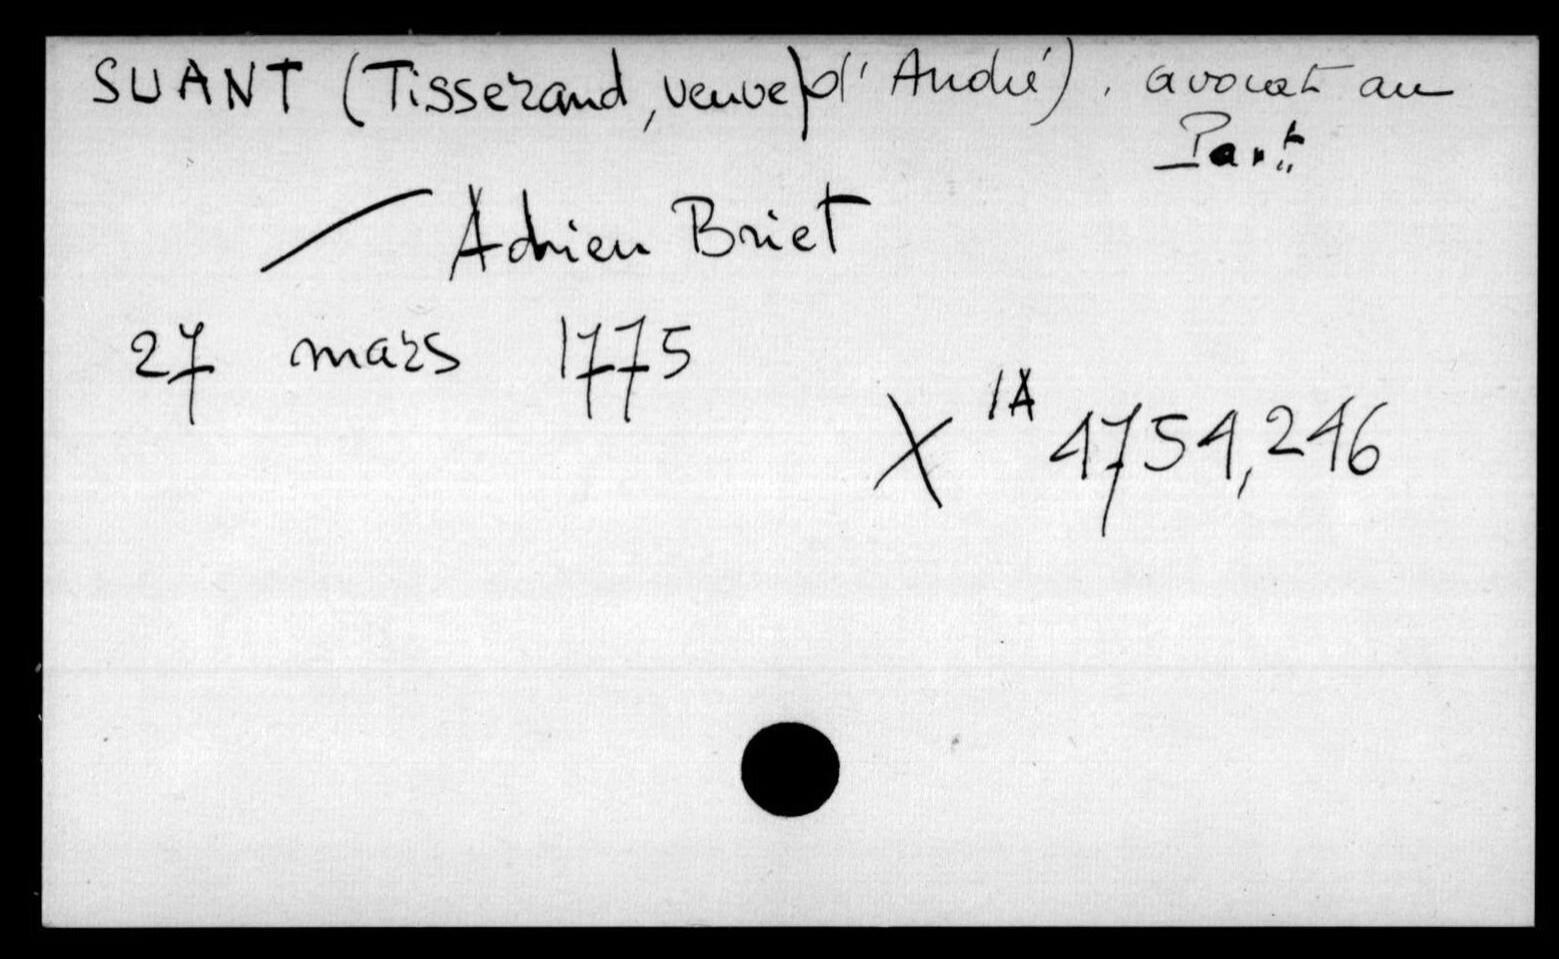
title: SUANT (Tisserand, veuve d'André), avocat au Parlement
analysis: Contre Adrien Briet
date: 27 mars 1775
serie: X1A
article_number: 4754
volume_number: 246
